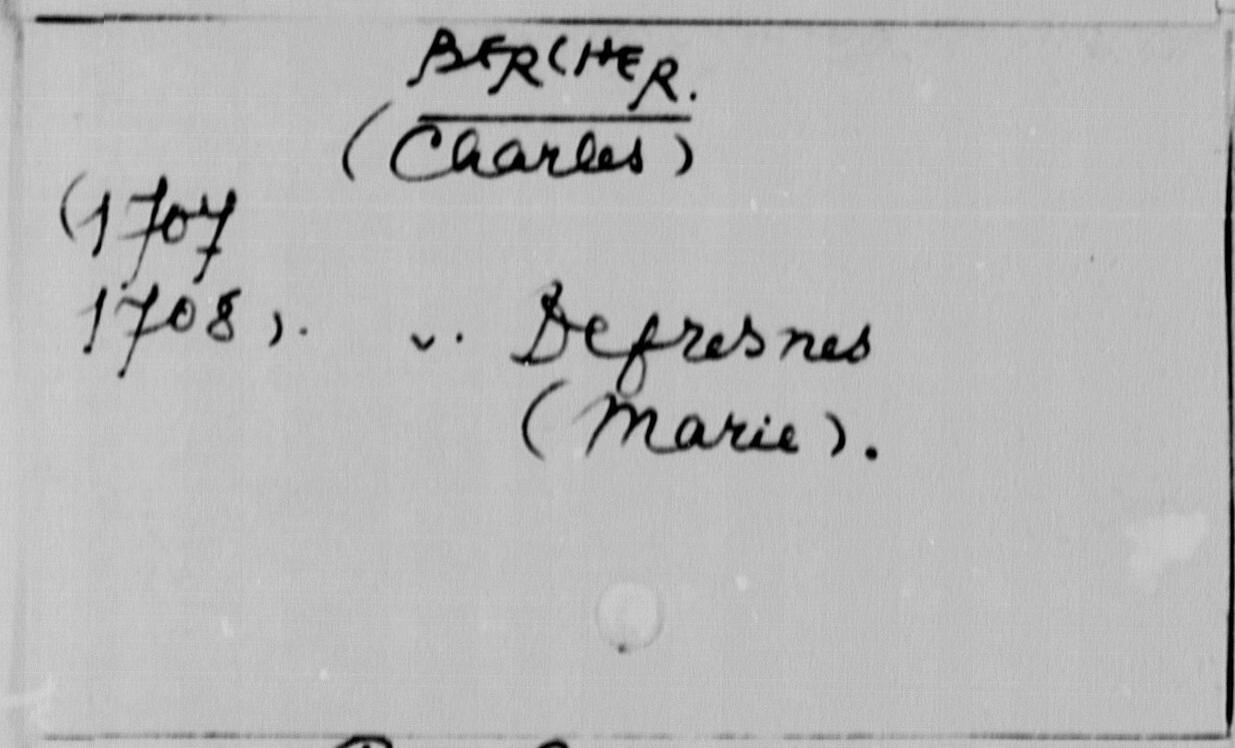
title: BERCHER (Charles)
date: (1707-1708)
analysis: Voir : DEFRESNES (Marie)
